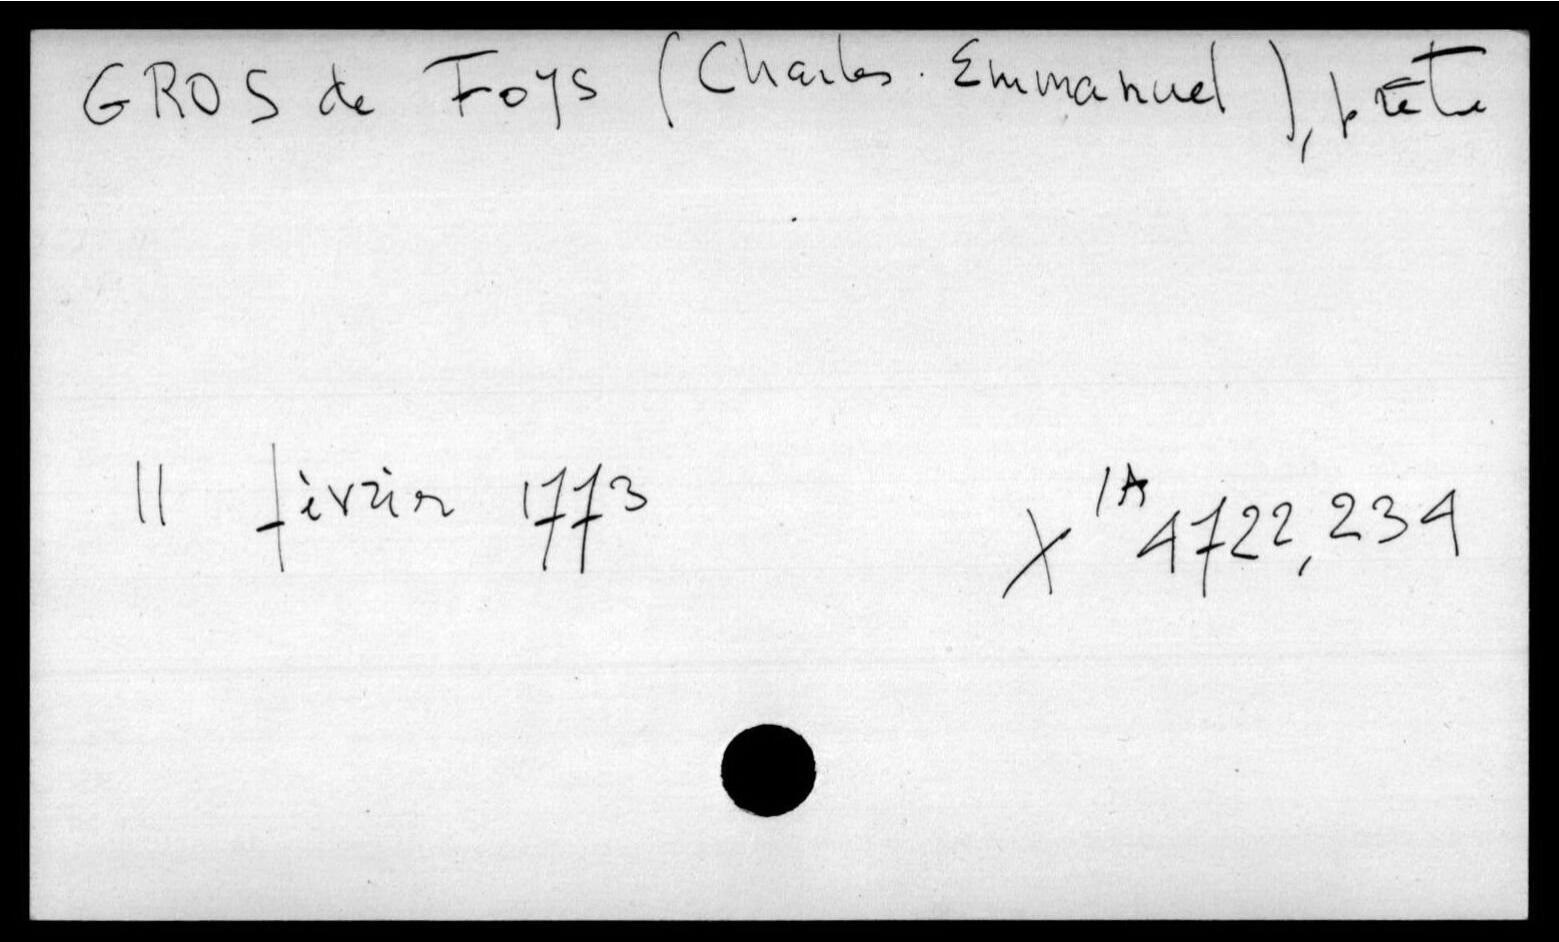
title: GROS de FOYS (Charles-Emmanuel), prêtre
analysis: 11 février 1773
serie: X1A
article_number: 4722
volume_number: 234
